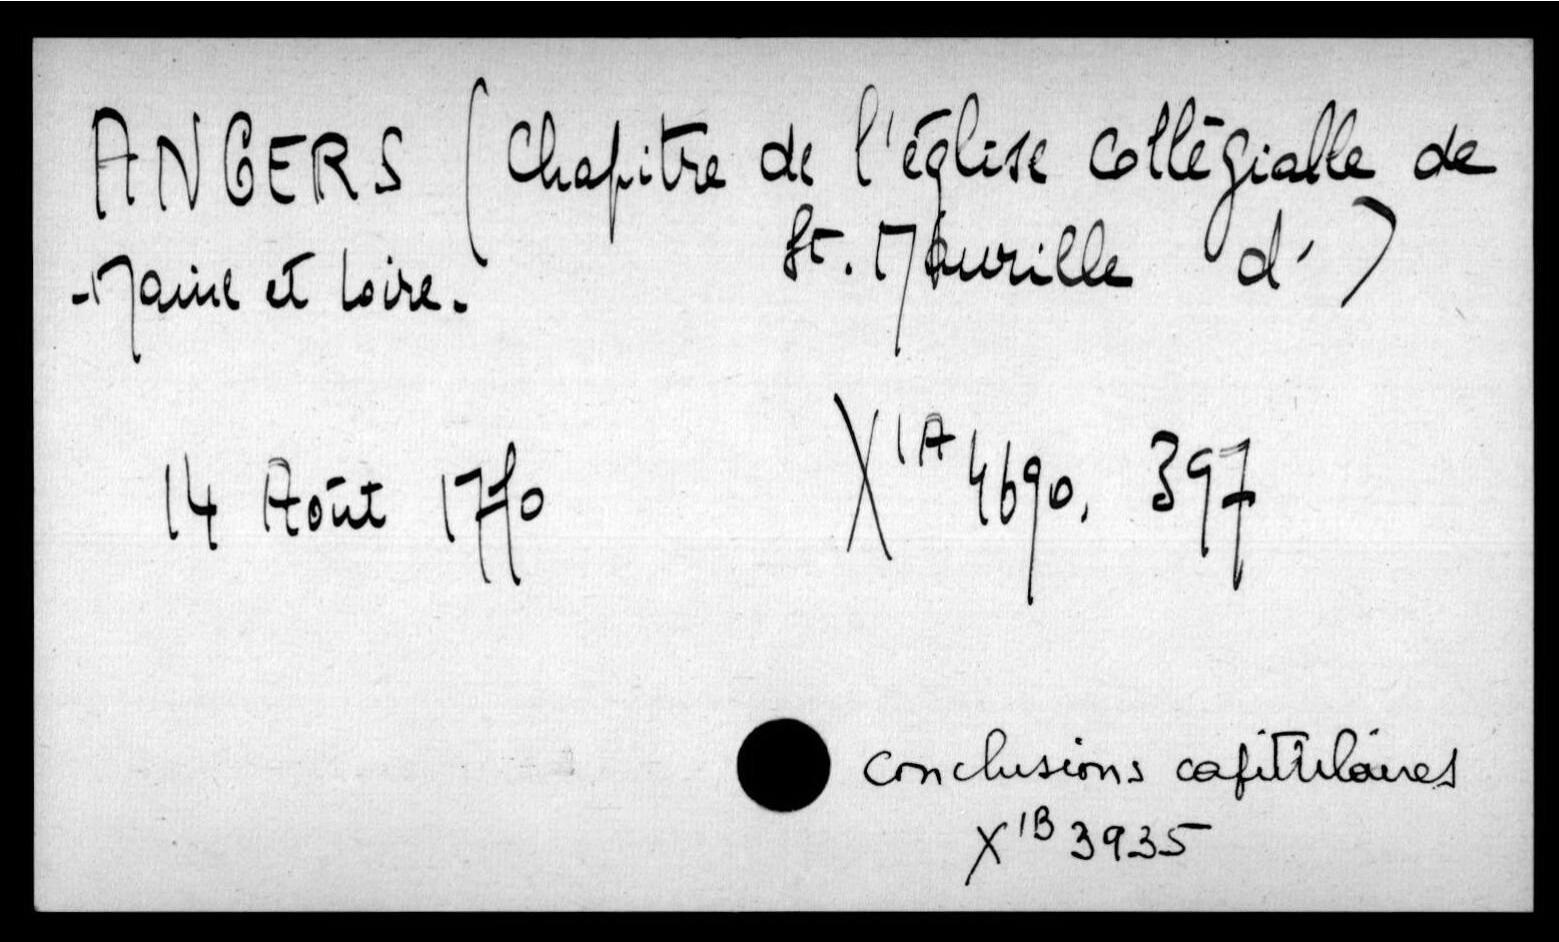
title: ANGERS (Chapitre de l'église collégialle de Saint Maurille d') - Maine et Loire.
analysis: Conclusions captulaires X1B 3935
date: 14 août 1770
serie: X1A
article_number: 4690
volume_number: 397
